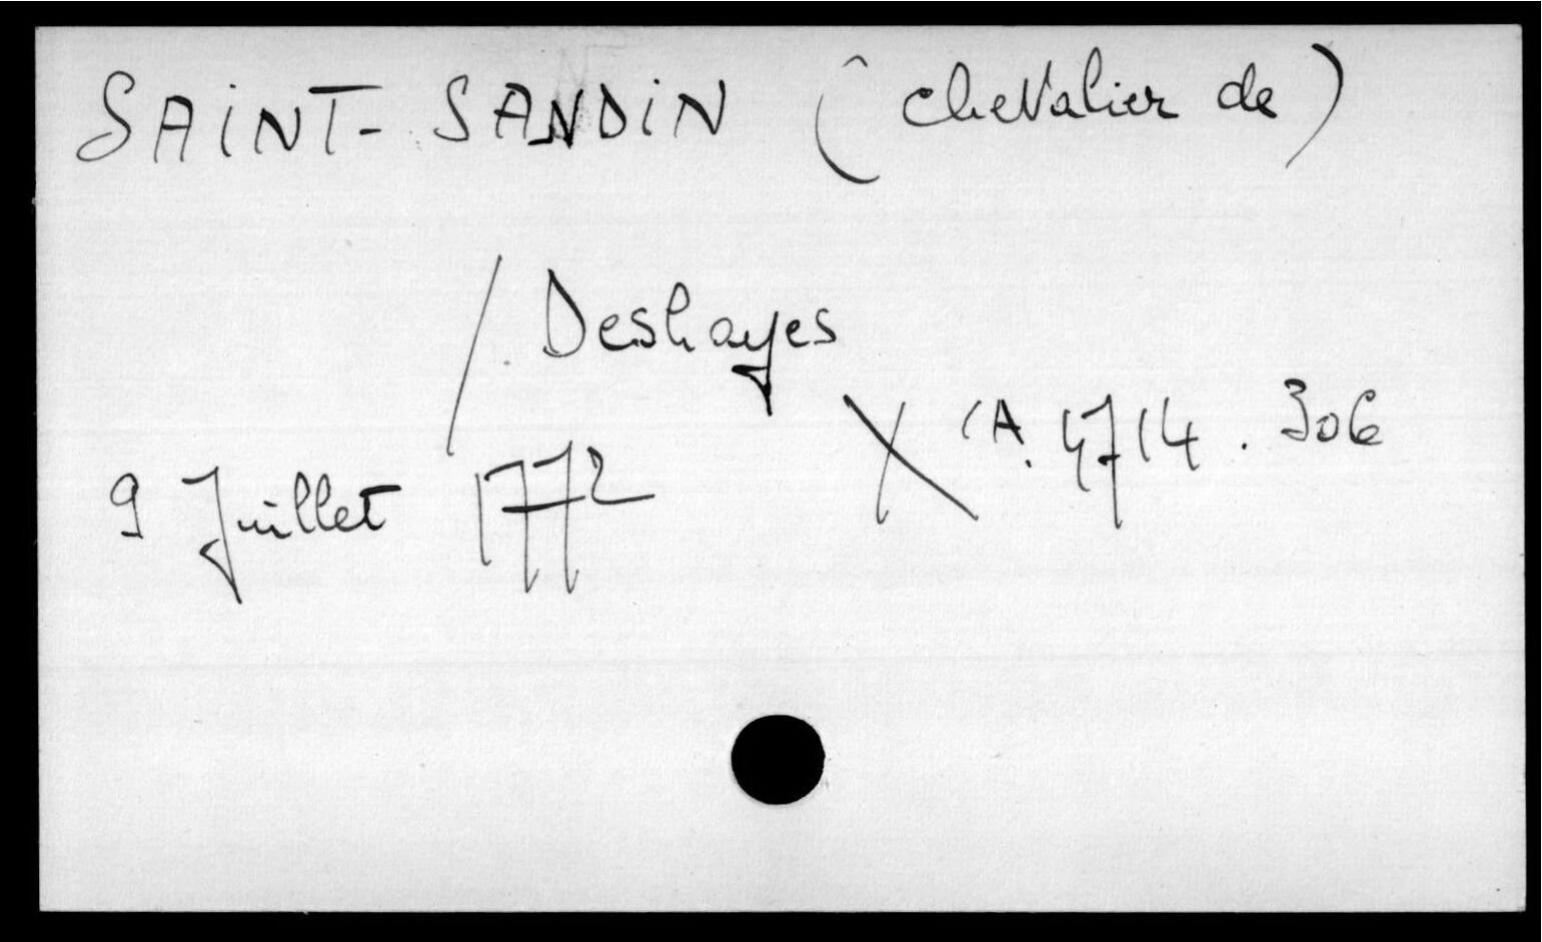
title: SAINT-SANDIN (Chevalier de)
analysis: Contre Deshayes
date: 9 juillet 1772
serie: X1A
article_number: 4714
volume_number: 306
